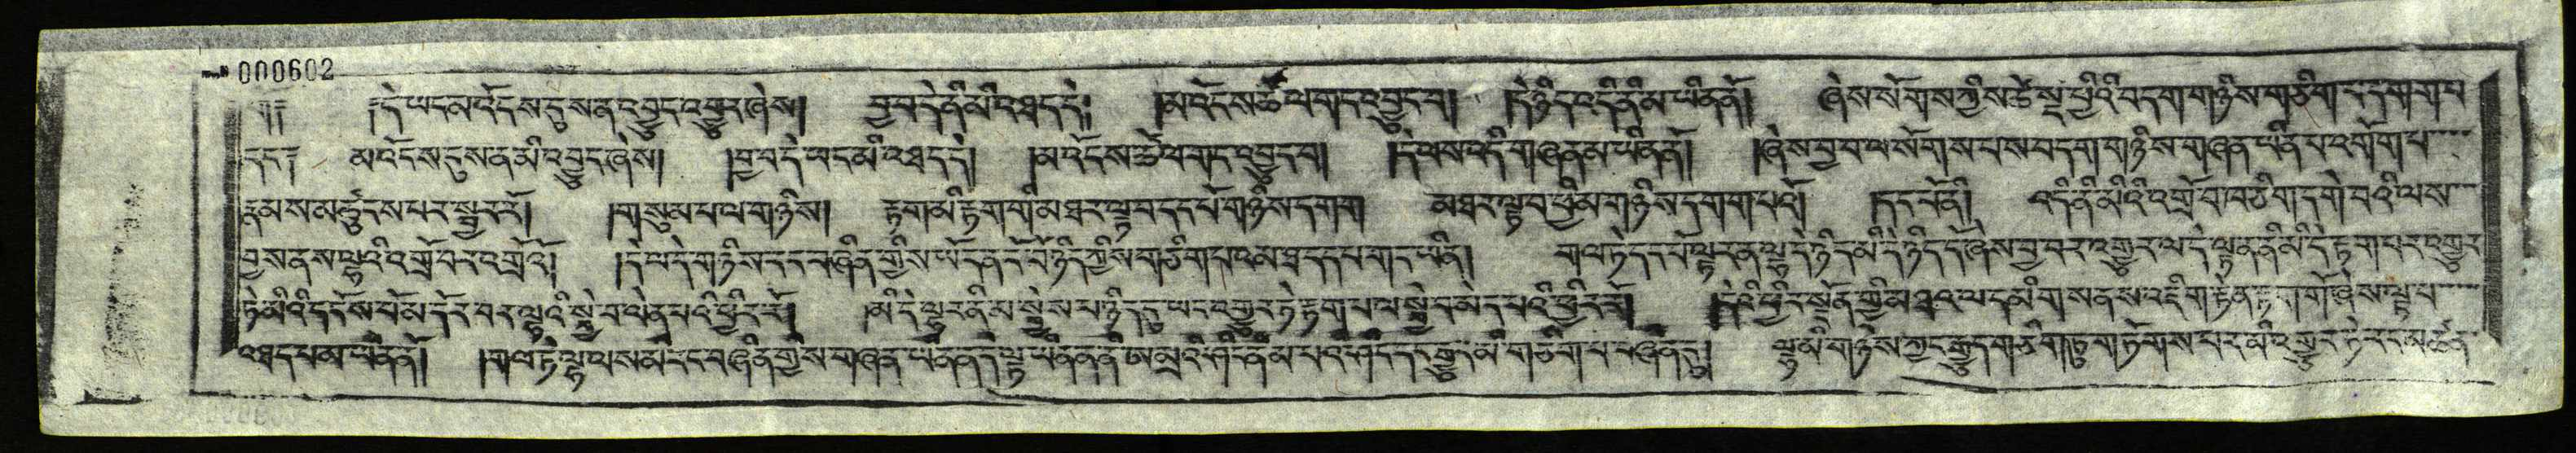གོ༑ ༑དེ་ཡང་མ་འོངས་དུས་ན་འབྱུང་འགྱུར་ཞེས། བྱ་བ་དེ་ནི་མི་འཐད་དེ། །མ་འོངས་ཚེ་ལ་གང་འབྱུང་བ། །དེ་ཉིད་འདི་ནི་མ་ཡིན་ནོ། ཞེས་སོགས་ཀྱིས་ཚེ་སྔ་ཕྱིའི་བདག་གཉིས་གཅིག་པ་དགག་པ་
དང༑ མ་འོངས་དུས་ན་མི་འབྱུང་ཞེས། །བྱ་བ་དེ་ཡང་མི་འཐད་དེ། །མ་འོངས་ཚེ་ལ་གང་འབྱུང་བ། །དེ་ལས་འདི་གཞན་མ་ཡིན་ནོ། །ཞེས་བྱ་བ་ལ་སོགས་པས་བདག་གཉིས་གཞན་ཡིན་པ་འགོག་པ་
རྣམས་མཚུངས་པར་སྦྱར་རོ། །གསུམ་པ་ལ་གཉིས། རྟག་མི་རྟག་གི་མཐར་ལྟ་བ་དང་པོ་གཉིས་དགག་མཐར་ལྟ་བ་ཕྱི་མ་གཉིས་དགག་པའོ། །དང་པོ་ནི། འདི་ནི་མིའི་འགྲོ་བ་ཁ་ཅིག་དགེ་བའི་ལས་
བྱས་ནས་ལྷའི་འགྲོ་བར་འགྲོའོ། །དེ་ལ་དེ་གཉིས་རང་བཞིན་གྱིས་ཡོད་ན་ངོ་བོ་ཉིད་ཀྱིས་གཅིག་པ་འམ་ཐ་དད་པ་གང་ཡིན། གལ་ཏེ་དང་པོ་ལྟར་ན་ལྷ་དེ་ཉིད་མི་དེ་ཉིད་དོ་ཞེས་བྱ་བར་འགྱུར་ལ་དེ་ལྟ་ན་ནི་མི་དེ་རྟག་པར་འགྱུར་
ཏེ་མིའི་དངོས་པོ་མདོར་བར་ལྷའི་སྐྱེ་བ་ལེན་པའི་ཕྱིར་རོ། །མི་དེ་ལྷར་ནི་མ་སྐྱེས་པ་ཉིད་དུ་ཡང་འགྱུར་ཏེ་རྟག་པ་ལ་སྐྱེ་བ་མེད་པའི་ཕྱིར་རོ། །དེའི་ཕྱིར་སྔོན་གྱི་མཐའ་ལ་དམིགས་ནས་འཇིག་རྟེན་རྟག་གོ་ཞེས་ལྟ་པ་
འཐད་པ་མ་ཡིན་ནོ། །གལ་ཏེ་ལྷ་ལས་མི་རང་བཞིན་གྱིས་གཞན་ཡིན་ན་དེ་ལྟ་ཡིན་ན་ནི་ཨ་མྲའི་ཤིང་ནི་མ་པའི་ཤིང་དང་རྒྱུད་མི་གཅིག་པ་བཞིན་དུ། ལྷ་མི་གཉིས་ཀྱང་རྒྱུད་གཅིག་ཏུ་གཏོགས་པར་མི་འགྱུར་ཏེ་རང་མཚན་